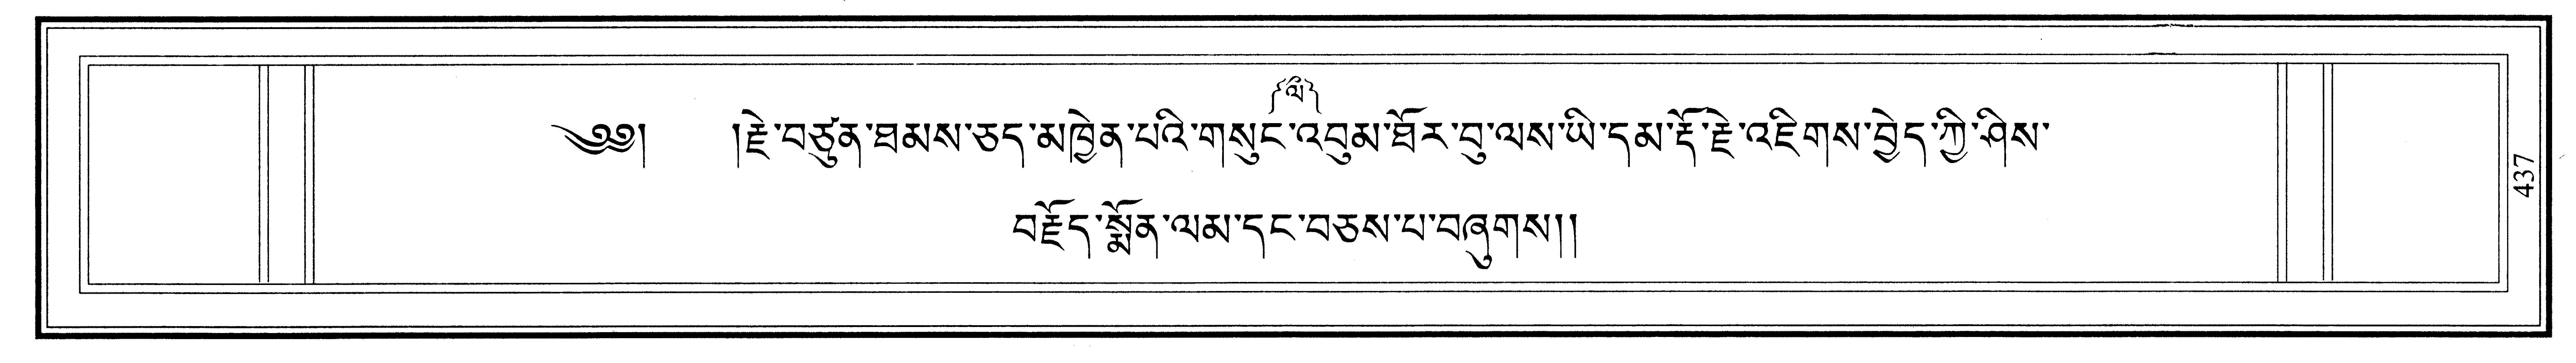༄༅། །རྗེ་བཙུན་ཐམས་ཅད་མཁྱེན་པའི་གསུང་འབུམ་ཐོར་བུ་ལས་ཡི་དམ་རྡོ་རྗེ་འཇིགས་བྱེད་ཀྱི་ཤིས་
བརྗོད་སྨོན་ལམ་དང་བཅས་པ་བཞུགས།།